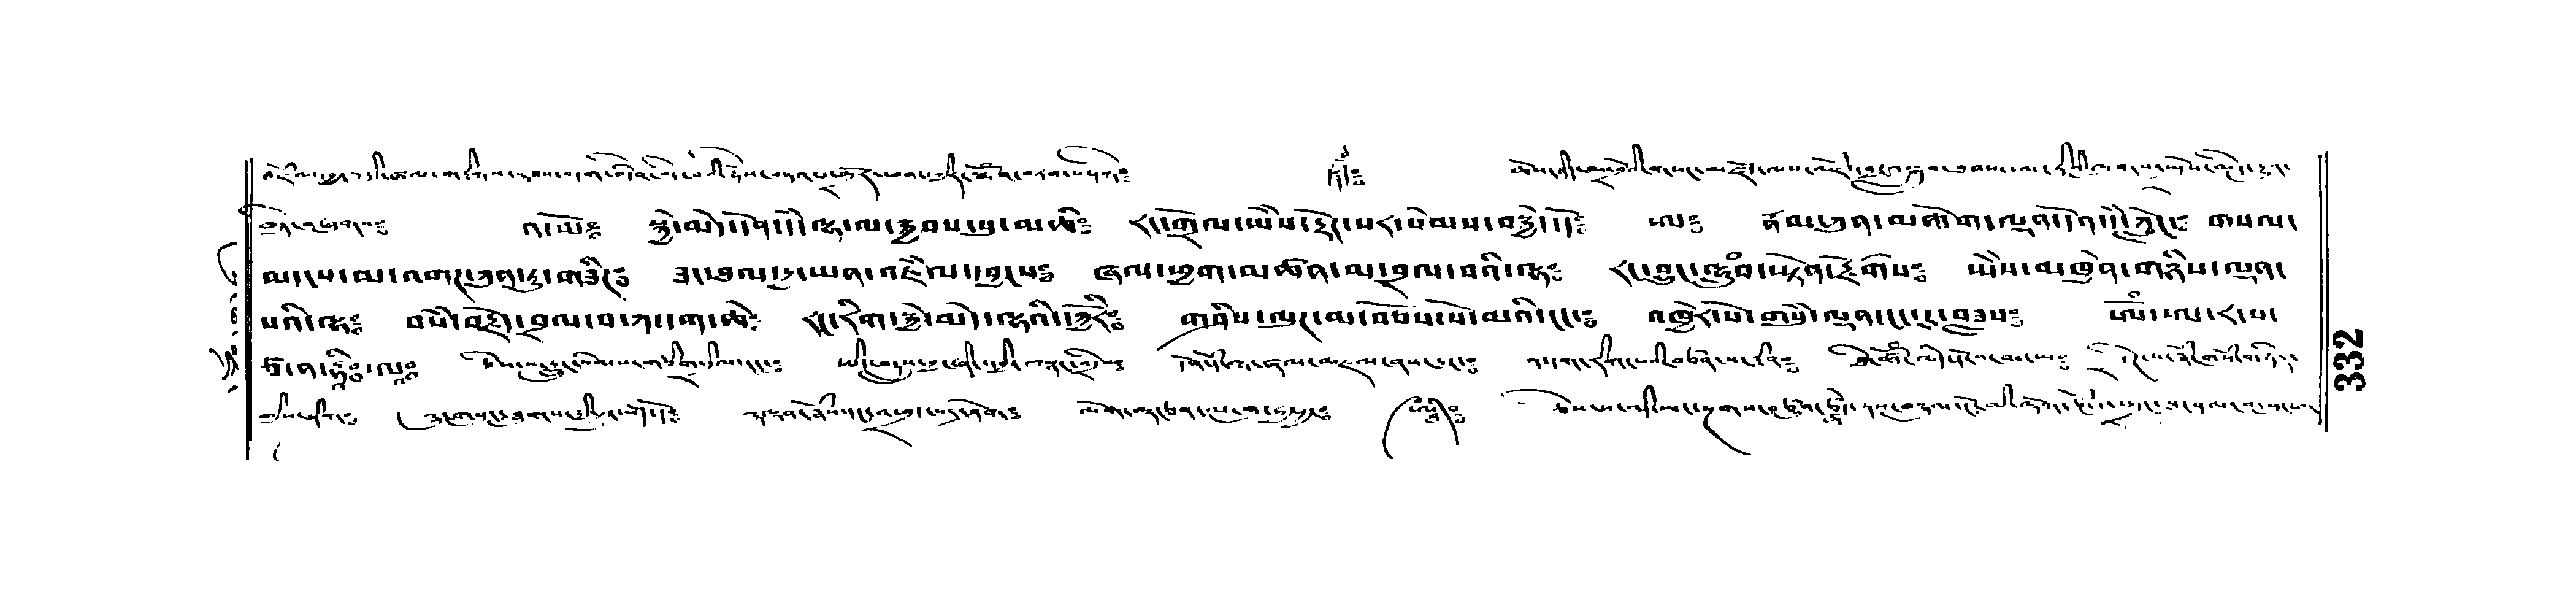འཇམ་དབྱངས་ཀྱི་ཞལ་གཟིགས་སྐབས་བདག་བདེ་ཆེན་བདེ་བའི་རྡོ་རྗེས་བསྟན་འགྲོར་ཕན་ཕྱིར་སྨོན་ལམ་བཏབ་པ་དགེ༔ ཆོས་ཉིད་མཁའ་འགྲོའི་གསང་མཛོད་ལས༔ འཇམ་དབྱངས་སྒྲུབ་ཐབས་ཨ་ཏིའི་ལུགས་སྤྲོས་མེད་རྒྱུན
་ཁྱེར་བཞུགས༔ ན་མོ༔ སྐྱེ་མེད་དོན་དམ་ལྷ་ལ་སྐྱབས་སུ་མཆི༔ རང་གྲོལ་ཡེ་ཤེས་རྟོགས་པར་སེམས་བསྐྱེད་དོ༔ ཨཱཿ རྣམ་ཀུན་མཆོག་ལྡན་དོན་དམ་ཀློང༔ གསལ་
མདངས་མ་འགགས་ཀུན་ཏུ་གཟིགས༔ ཟང་ཐལ་རྒྱ་ཡན་འཇམ་དཔལ་དབྱངས༔ ཞལ་ཕྱག་མཚན་མ་བྲལ་བའི་ལྷ༔ རང་བྱུང་ལྷུཾན་སྟེན་རྫོགས་ ཡེ་ཤེས་མཁྱེན་གཉིས་ལྡན་
པའི་ལྷ་ བསམ་བརྗོད་བྲལ་བ་ཀ་དག་ཆེ༔ རང་རིག་སྐྱེ་མེད་ལྷའི་དཀྱིལ་འཁོར༔ གཤིས་ལུགས་མ་བཅོས་སོ་མའི་ངང༔ འཁྱེར་སོ་གསུམ་ལྡན་ངང་དུ་བཟླས༔ ཨོཾ་ཨ་ར་པ་
ཙ་ན་དྷཱིཿཨཱཿ ཅེས་པ་རླུང་སེམས་གཅིག་དྲིལ་ངང༔ ཡིད་བཟླས་བྱ་ཞིང་དབྱིངས་སྣང་འདྲེས༔ དོན་དམ་ལྷ་ཞལ་མཇལ་ནས་ཀྱང༔ ཀ་དག་རིག་པའི་བཙན་ས་ཟིན༔ ཐེ་ཚོམ་མེད་དོ་ས་མ་ཡ༔ དྲེགས་པ་རྣམ་གསུམ་གཉེར་
གྱིས་ཤིག༔ སྐུ་གསུང་ཐུགས་ཀྱི་རྒྱ་ཡོད་དོ༔ སྐལ་ལྡན་རྣམས་དང་འཕྲད་པར་ཤོག༔ ལོག་ལྟ་ཅན་ལ་གུ་ཧྱ་རྒྱ༔ ༔ ཅེས་པ་འདི་ཡང་སྔགས་བཙུན་ཙྪེད་ཀས་བསྐུལ་ངོ་མ་ལྟོག་ཙམ་དུ་སྤྲང་ཐ་ཤལ་བ་སུ་ཁ་